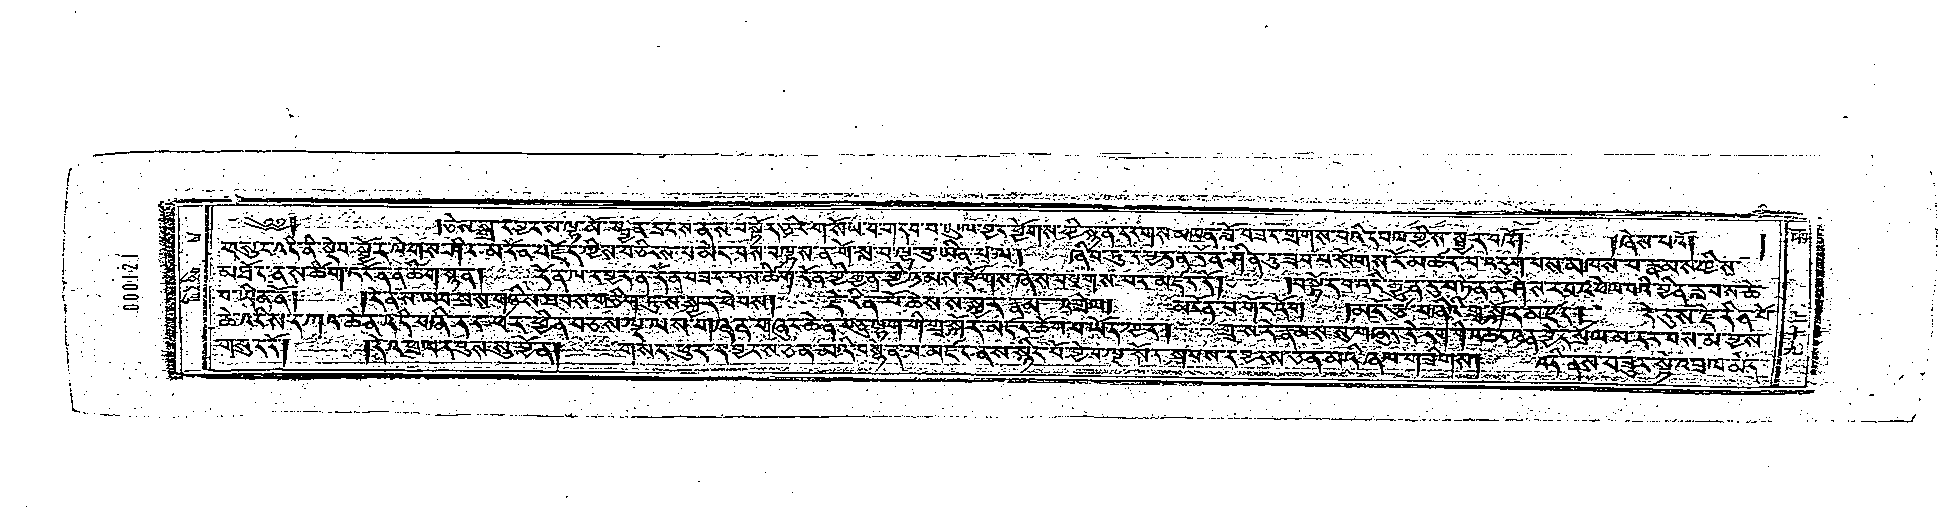༄༅། །ཅེས་སྒྲ་དབྱངས་ལྷ་མོ་སྤྱན་དྲངས་ནས་བསྟོད་ཅིང་གསོལ་བ་གདབ་པ་ཡུལ་བྱང་ཕྱོགས་ཀྱི་སྙན་དངགས་མཁན་བློ་བཟང་གྲགས་པའི་དཔལ་གྱིས་སྦྱར་བའོ། །ཞེས་པའོ། །
གསུང་འདི་ནི་སྡེབ་སྦྱོར་ལེགས་ཤིང་མངོན་བརྗོད་ཀྱིས་བཅིངས་པ་མེད་པས་བལྟས་ན་གོ་སླ་བ་ལྟ་བུ་ཡིན་པ་ལ། ཞིབ་ཏུ་དཔྱད་ན་དོན་ཤིན་ཏུ་ཟབ་པ་སོགས་ངོ་མཚར་བ་འདུག་པས་མཁས་པ་རྣམས་ཀྱིས་
མཐོང་ནས་ཚིག་འདོན་ན་ཚིག་སྙན། དོན་ལ་དཔྱད་ན་དོན་བཟང་བས་ཚིག་དོན་གྱི་རྒྱན་གྱི་ཉམས་རྫོགས་ཞེས་བསྔགས་པར་མཛད་དོ། །བསྟོད་པ་འདི་རྒྱུན་དུ་བཏོན་ན་ཤེས་རབ་འཕེལ་བའི་བྱིན་རླབས་ཆེ་
བ་ཡིན་ནོ། །དེ་ནས་ཡབ་སྲས་གཉིས་ཐབས་གཅིག་ཏུས་སྐྱར་ཕེབས། །རྗེ་རིན་པོ་ཆས་ས་སྐྱར་རྣམ་འགྲེལ། མངོན་པ་གོང་འོག །མདོ་རྩ་བཞིའི་གྲྭ་སྐོར་མཛད། དེ་དུས་རྗེ་རིན་པོ་
ཆེ་འདིས་དཀའ་ཆེན་འདི་བཞི་དང་ཕར་ཕྱིན་བཅས་ལྔ་ལས་གཞན་གཞུང་ཆེན་བཅུ་ལྷག་གི་གྲྭ་སྐོར་མཛད་ཆོག་པ་ཡོད་ཀྱང་། གྲྭ་ས་དེ་རྣམས་སུ་གཞུང་དེ་དག་གི་འཆད་ཉན་བྱེད་སྲོལ་མ་དར་བས་མ་བྱས་
གསུང་ངོ། །དེ་འཕྲལ་དབུས་སུ་བྱོན། གསང་ཕུར་དབྱངས་ཅན་མའི་བསྙེན་བ་མཛད་ནས་སྙིང་པོ་བྱེ་བ་ལྔ་སོང་སྐབས་དབྱངས་ཅན་མའི་ཞལ་གཟིགས། འདི་ནས་བཟུང་སྟེ་འབྲལ་མེད་